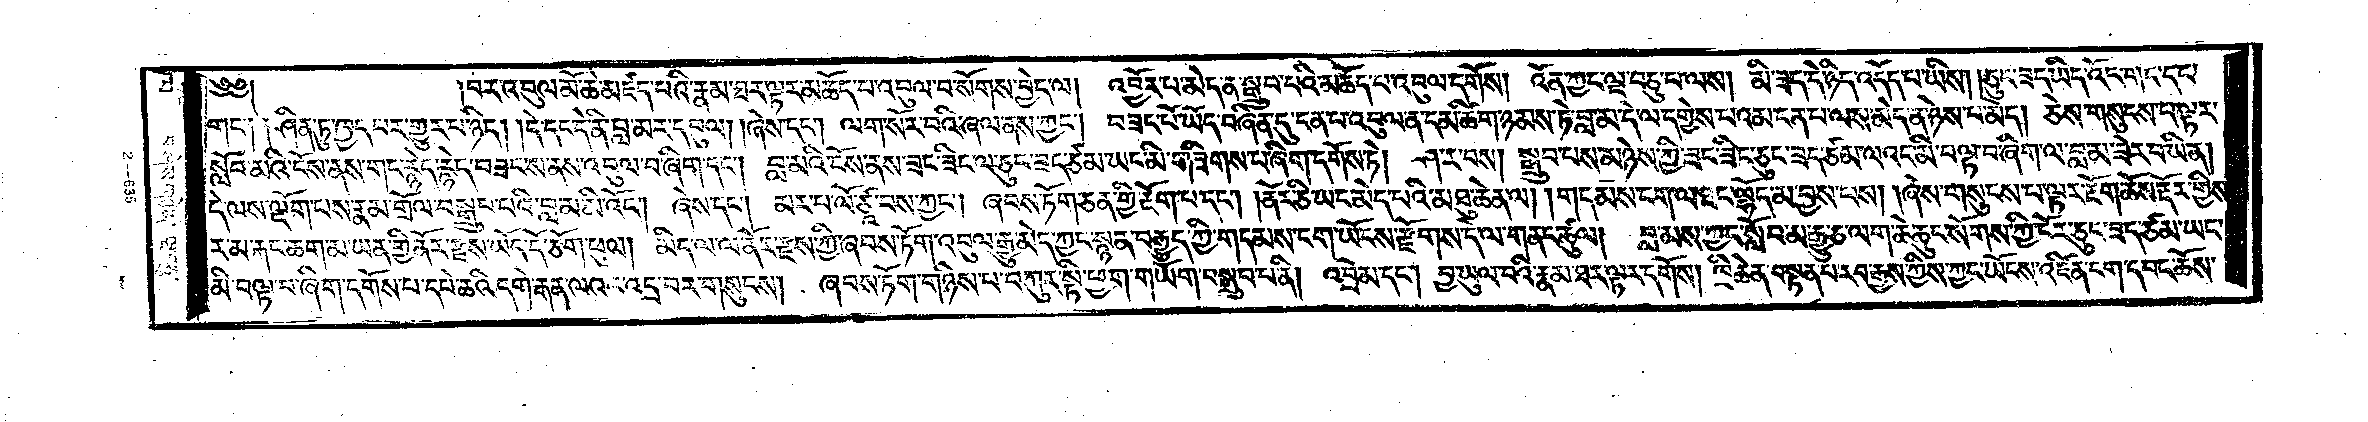༄༅། །བར་འབུལ་མོ་ཆེ་མཛད་པའི་རྣམ་ཐར་ལྟར་མཆོད་པ་འབུལ་བ་སོགས་བྱེད་ལ། འབྱོར་བ་མེད་ན་སྒྲུབ་པའི་མཆོད་པ་འབུལ་དགོས། འོན་ཀྱང་ལྔ་བཅུ་པ་ལས། མི་ཟད་དེ་ཉིད་འདོད་པ་ཡིས། །ཅུང་ཟད་ཡིད་འོང་གང་དང་
གང༑ ༑ཤིན་ཏུ་ཁྱད་པར་གྱུར་པ་ཉིད། །དེ་དང་དེ་ནི་བླ་མར་དབུལ། །ཞེས་དང་། ལག་སོར་བའི་ཞལ་ནས་ཀྱང་། བཟང་པོ་ཡོད་བཞིན་དུ་ངན་པ་འབུལ་ན་དམ་ཚིག་ཉམས་ཏེ་བླ་མ་དེ་ལ་དགྱེས་པའམ་ངན་པ་ལས་མེད་ན་ཉེས་པ་མེད། ཅེས་གསུངས་པ་ལྟར་
སློབ་མའི་ངོས་ནས་གང་རྙེད་རྙེད་བཟངས་ནས་འབུལ་བ་ཞིག་དང་། བླ་མའི་ངོས་ནས་ཟང་ཟིང་ལ་ཅུང་ཟད་ཙམ་ཡང་མི་གཟིགས་པ་ཞིག་དགོས་ཏེ། ཤར་བས། སྒྲུབ་པས་མཉེས་ཀྱི་ཟང་ཟིང་ཅུང་ཟད་ཙམ་ལའང་མི་བལྟ་བ་ཞིག་ལ་བླ་མ་ཟེར་བ་ཡིན།
དེ་ལས་ལྡོག་པས་རྣམ་གྲོལ་བསྒྲུབ་པའི་བླ་མ་མི་འོང་། ཞེས་དང་། མར་པ་ལོ་ཙཱ་བས་ཀྱང་། ཞབས་ཏོག་ཅན་གྱི་རྔོག་པ་དང་། །ནོར་ཅི་ཡང་མེད་པའི་མཐུ་ཆེན་ལ། །གདམས་ངག་ལ་ཐང་ལྷོད་མ་བྱས་པས། །ཞེས་གསུངས་པ་ལྟར་རྔོག་ཆོས་རྡོར་གྱིས་
ར་མ་རྐང་ཆག་མ་ཡན་གྱི་ནོར་རྫས་ཡོད་དོ་ཅོག་ཕུལ། མིད་ལ་ལ་ནོར་རྫས་ཀྱི་ཞབས་ཏོག་འབུལ་རྒྱུ་མེད་ཀྱང་སྙན་བརྒྱུད་ཀྱི་གདམས་ངག་ཡོངས་རྫོགས་དེ་ལ་གནང་ཚུལ། བླ་མས་ཀྱང་སློབ་མ་རྒྱུ་ཅ་ལག་ཆེ་ཆུང་སོགས་ཀྱི་ངོར་ཅུང་ཟད་ཙམ་ཡང་
མི་བལྟ་བ་ཞིག་དགོས་པ་དཔེ་ཆའི་དགེ་རྒན་ལའང་འདྲ་བར་གསུངས། ཞབས་ཏོག་གཉིས་པ་བཀུར་སྟི་ཕྱག་གཡོག་བསྒྲུབ་པ་ནི། འབྲེམ་དང་། བྱ་ཡུལ་བའི་རྣམ་ཐར་ལྟར་དགོས། ཁྲི་ཆེན་བསྟན་པ་རབ་རྒྱས་ཀྱིས་ཀྱང་ཡོངས་འཛིན་ངག་དབང་ཆོས་